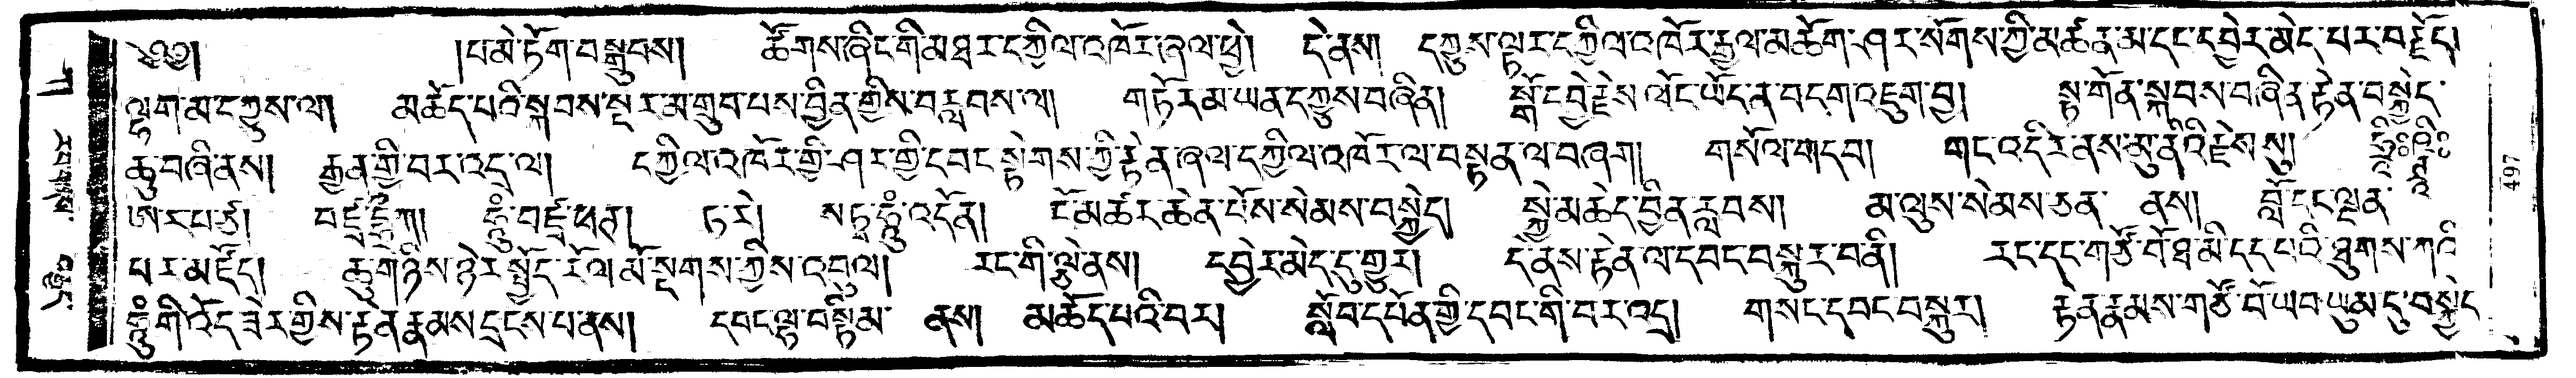༄༅། །པ་མེ་ཏོག་བསྒྲུབས། ཚོགས་ཞིང་གི་མཐར་དཀྱིལ་འཁོར་ཞལ་ཕྱེ། དེ་ནས། དཀྱུས་ལྟར་དཀྱིལ་འཁོར་རྒྱལ་མཆོག་ཤར་སོགས་ཀྱི་མཚན་མ་དང་དབྱེར་མེད་པར་བརྗོད་
ལྷག་མ་དཀྱུས་ལ། མཆོད་པའི་སྐབས་སྔར་མ་གྲུབ་པས་བྱིན་གྱིས་བརླབས། གཏོར་མ་ཡན་དཀྱུས་བཞིན། སྒོང་བྱེ་རྗེས་ལོང་ཡོད་ན་བདག་འཇུག་བྱ། སྟ་གོན་སྐབས་བཞིན་རྟེན་བསྐྱེད་
ཆུ་བཞིན་ས། རྒྱན་གྱི་བར་འདྲ་ལ། དཀྱིལ་འཁོར་གྱི་ཤར་གྱི་དབང་སྟེགས་ཀྱི་རྟེན་ཞལ་དཀྱིལ་འཁོར་ལ་བསྟན་ལ་བཞག། གསོལ་གདབ། གང་འདིར་ནས་མུ་ནིའི་རྗེས་སུ། ??།
ཨར་པ་ཙ། བཛྲ་?། ཧཱུཾ་བཛྲ་ཕཊ། ཏ་རེ། སཏྭ་ཧཱུཾ་འདོན། ངོ་མཚར་ཆེན་པོས་སེམས་བསྐྱེད། སྐྱེ་མཆེད་བྱིན་རླབས། མ་ལུས་སེམས་ཅན་ནས། བློ་དང་ལྡན་
པར་མཛོད། ཆུ་གཉིས་ཉེར་སྤྱོད་རོལ་མོ་སྔགས་ཀྱིས་འབྲུལ། རང་གི་ལྕེ་ནས། དབྱེར་མེད་དུ་གྱུར། དེ་ནས་རྟེན་ལ་བདག་བསྐུར་བ་ནི། རང་དང་གཙོ་བོ་ཐ་མི་དང་བའི་ཐུགས་ཀའི་
ཧཱུཾ་གི་འོད་ཟེར་གྱིས་རྟེན་རྣམས་དྲངས་བ་ནས། དབང་ལྷ་བསྟིམ། ནས། མཆོད་པའི་བར། སློབ་དཔོན་གྱི་དབང་གི་བར་འདྲ། གསང་དབང་བསྐུར། རྟེན་རྣམས་གཙོ་བོ་ཡབ་ཡུམ་དུ་བསྐྱེད་